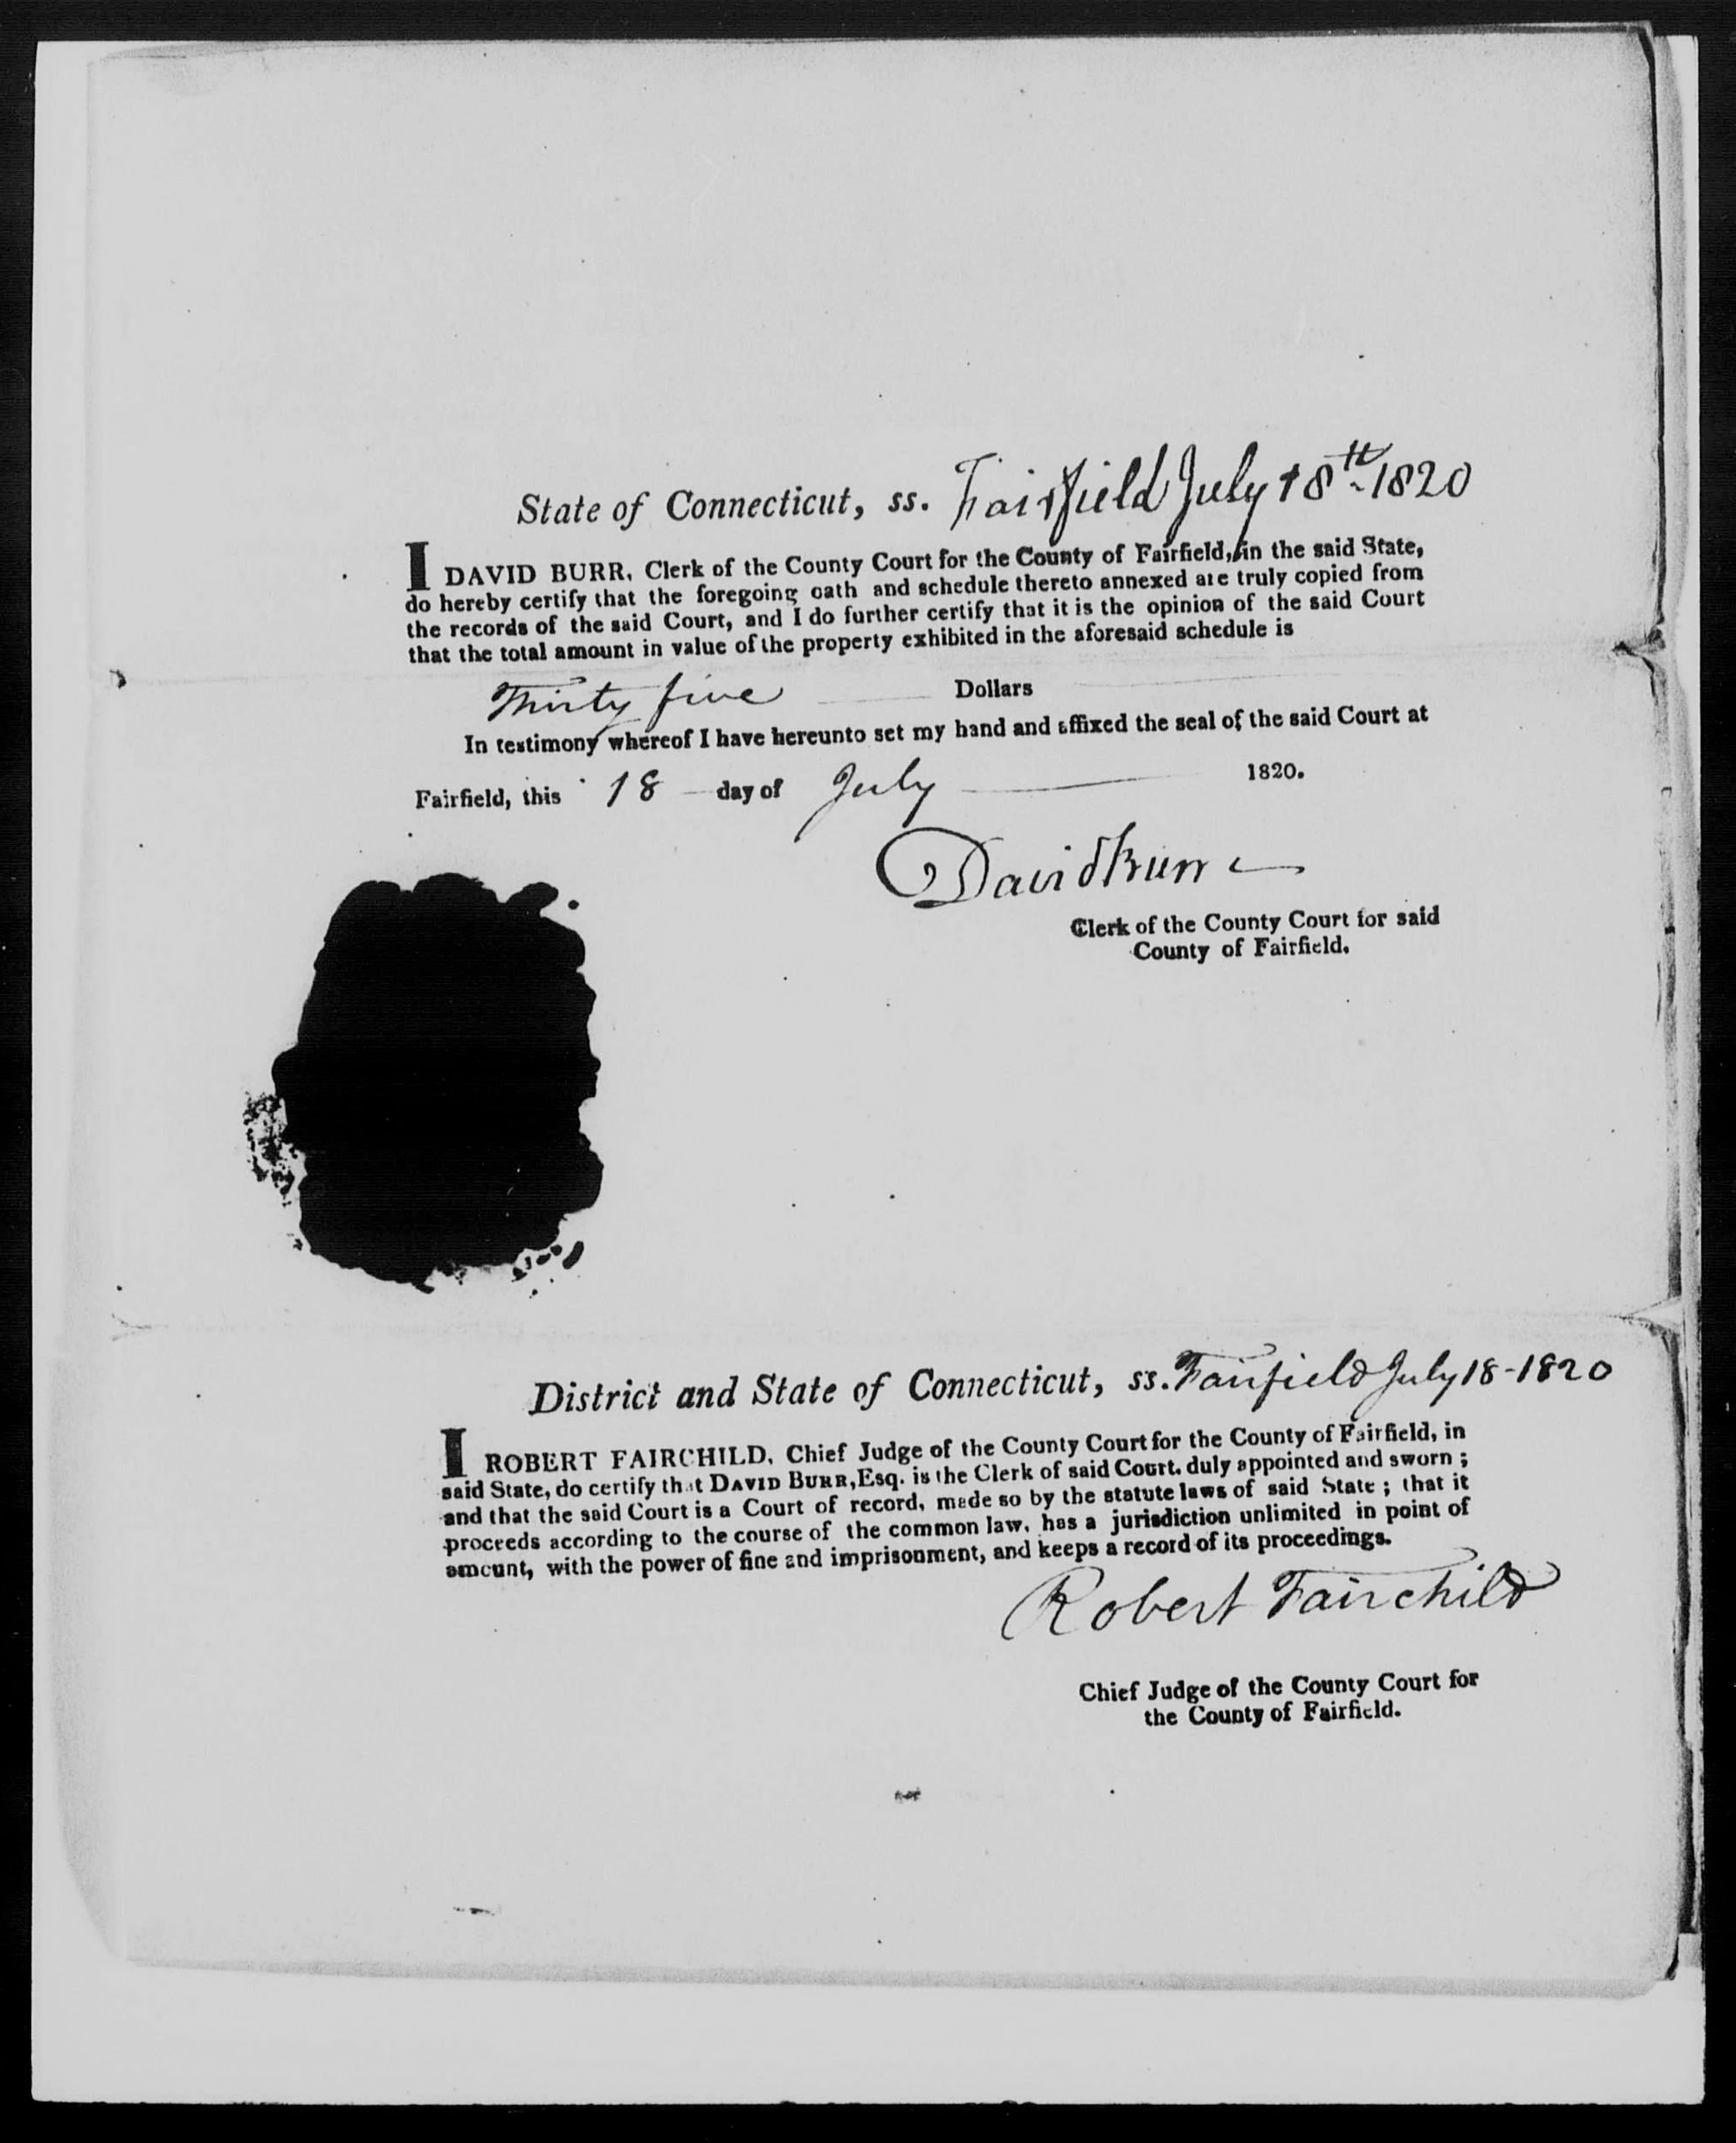State of Connecticut, ss. Fairfield July 18th 1820
I DAVID BURR, Clerk of the County Court for the County of Fairfield in the said State,
do hereby certify that the foregoing oath and schedule thereto annexed are truly copied from
the records of the said Court, and I do further certify that it is the opinion of the said Court
that the total amount in value of the property exhibited in the aforesaid schedule is
Thirty five
Dollars
In testimony whereof I have hereunto set my hand and affixed the seal of the said Court at
Fairfield, this 18 day of July
1820.
David Burr
Clerk of the County Court for said
County of Fairfield.
District and State of Connecticut, ss. Fairfield July 18 1820
I, ROBERT FAIRCHILD, Chief Judge of the County Court for the County of Fairfield, in
said State, do certify that DAVID BURR, Esq. is the Clerk of said Court, duly appointed and sworn;
and that the said Court is a Court of record, made so by the statute laws of said State; that it
proceeds according to the course of the common law, has a jurisdiction unlimited in point of
amount, with the power of fine and imprisonment, and keeps a record of its proceedings
Robert Fairchild
Chief Judge of the County Court for the County of Fairfield.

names: Robert Fairchild, David Burr, Robert Fairchild, David Burr, David Burr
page: 9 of 39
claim: widow's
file: W. 2,056, Squire Ambler, Continental (Sol. Res. In N.Y. & Conn.)